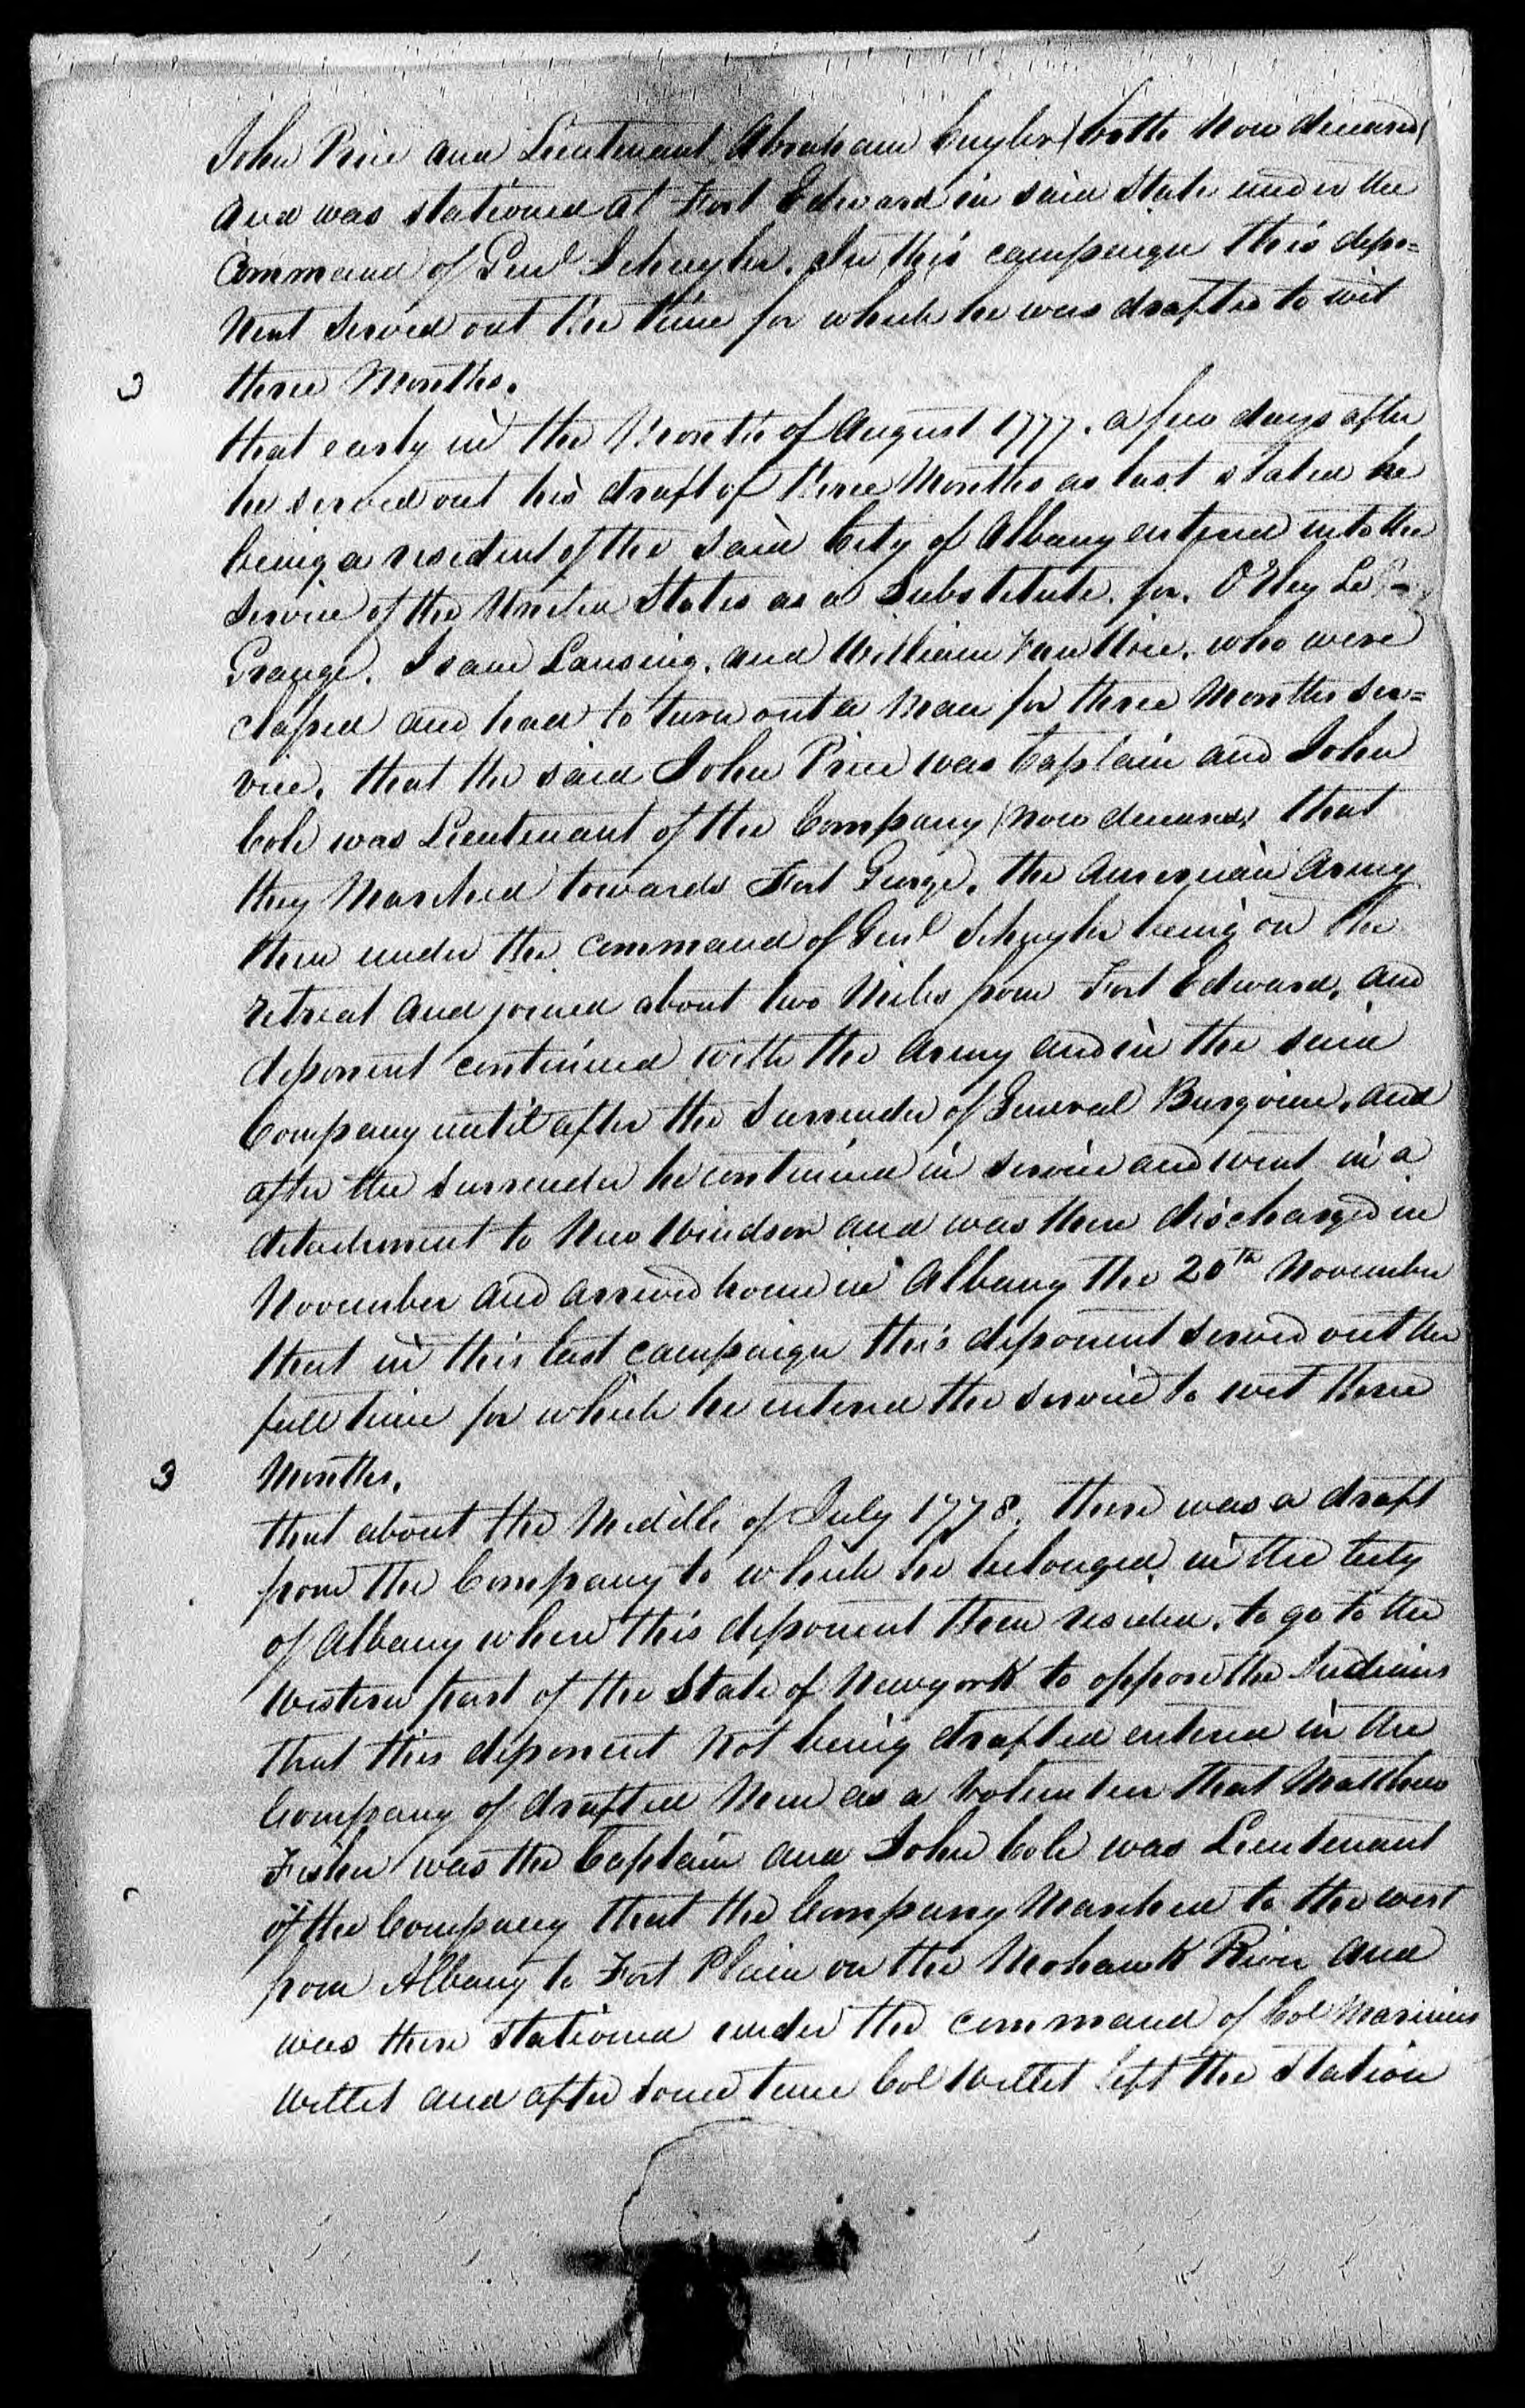New York  Hilton, Jacob W.   W 19788
Hilten, Mary

John Price and Lieutenant Abraham Cuyler (both now deceased) and was stationed at Fort Edward in said State under the Command of Gen. Schuyler.  In this campaign this deponent Served out the time for which he was drafted to wit three months.
That early in the month of August 1777, a few days after he served out his draft of three months as last stated he being a resident of the said City of Albany entered into the Service of the United States as a Substitute for Orley Le Grange. Isaac Lansing, and William Van Hiel, who were xxx and had to turn out a man for three months Ser=vice. That the said John Price was Captain and John Cole was Lieutenant of the Company (now deceased, that they marched towards Fort George, the American Army then under the command of Genl Schuyler being on the
retreat and joined about two miles from Fort Edward, and deponent continued with the Army and in the same
Company until after the Surrender of General Burgoine and after the Surrender he continued in service and went in a detachment to New Windsor and was then discharged in
November and arrived home in Albany the 20th November that in this last campaign this deponent Served out the full time for which he entered the Service to wit three months

3 That about the middle of July 1778, there was a draft from the Company to which he belonged, in the city of Albany when this deponent then resided. to go to the
Western part of the State of New York to oppose the Indians that this deponent not being drafted entered in the Company of drafted men as a volunteer that Matthew
Fisher was the Captain and John Cole was Lieutenant of the Company that the Company marched to the west
from Albany to Fort Plain on the Mohawk River and was there stationed under the command of Col Marinus Willet and after some time Col Willet left the station.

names: Matthew Fisher, John Cole, Willet, Schuyler, Schuyler, Marinus Willet, Burgoine, John Price, John Cole, John Price, Abraham Cuyler, Lausing, Orley Le Grange, William Van Hiel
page: 4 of 48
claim: widow's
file: W. 19788, Jacob W Hilton, New York